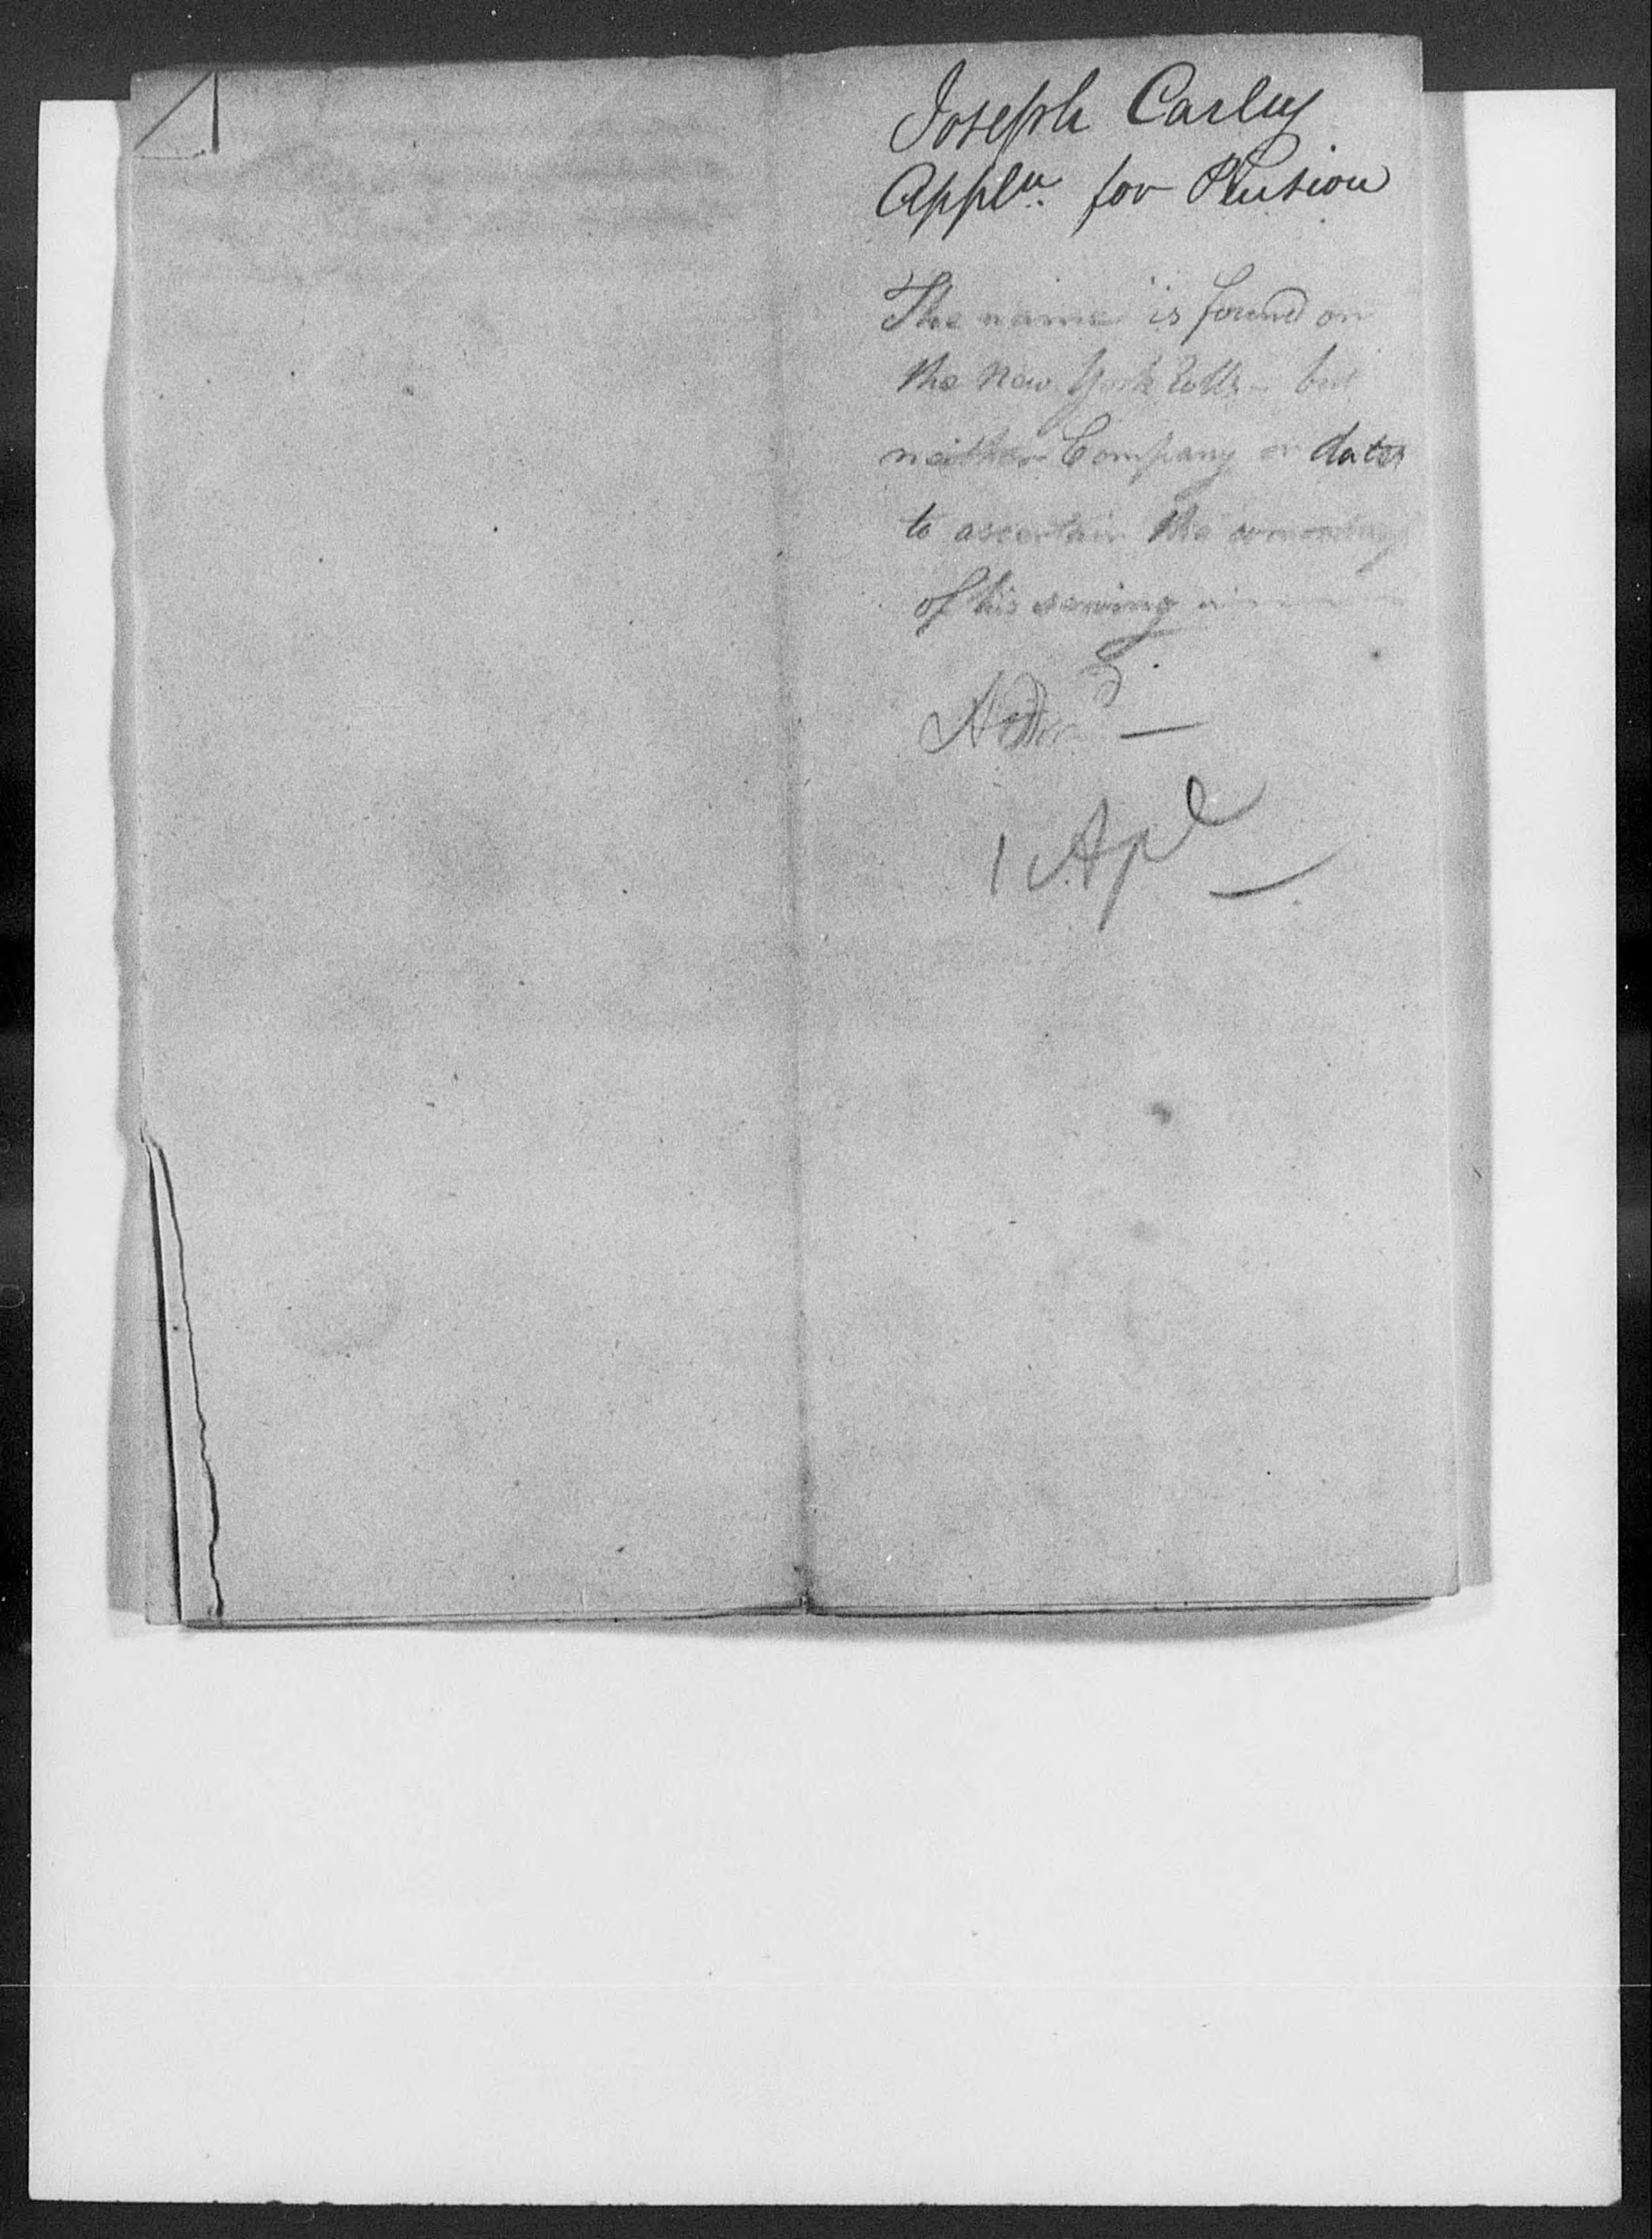Joseph Carley
Application for Pension

The name is found on 
the New York Rolls but
neither Company or dates
to ascertain the veracity
of his serving 


Admitted

April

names: Joseph Carley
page: 3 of 16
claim: survivor's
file: S. 44371, Joseph Carley, New York.